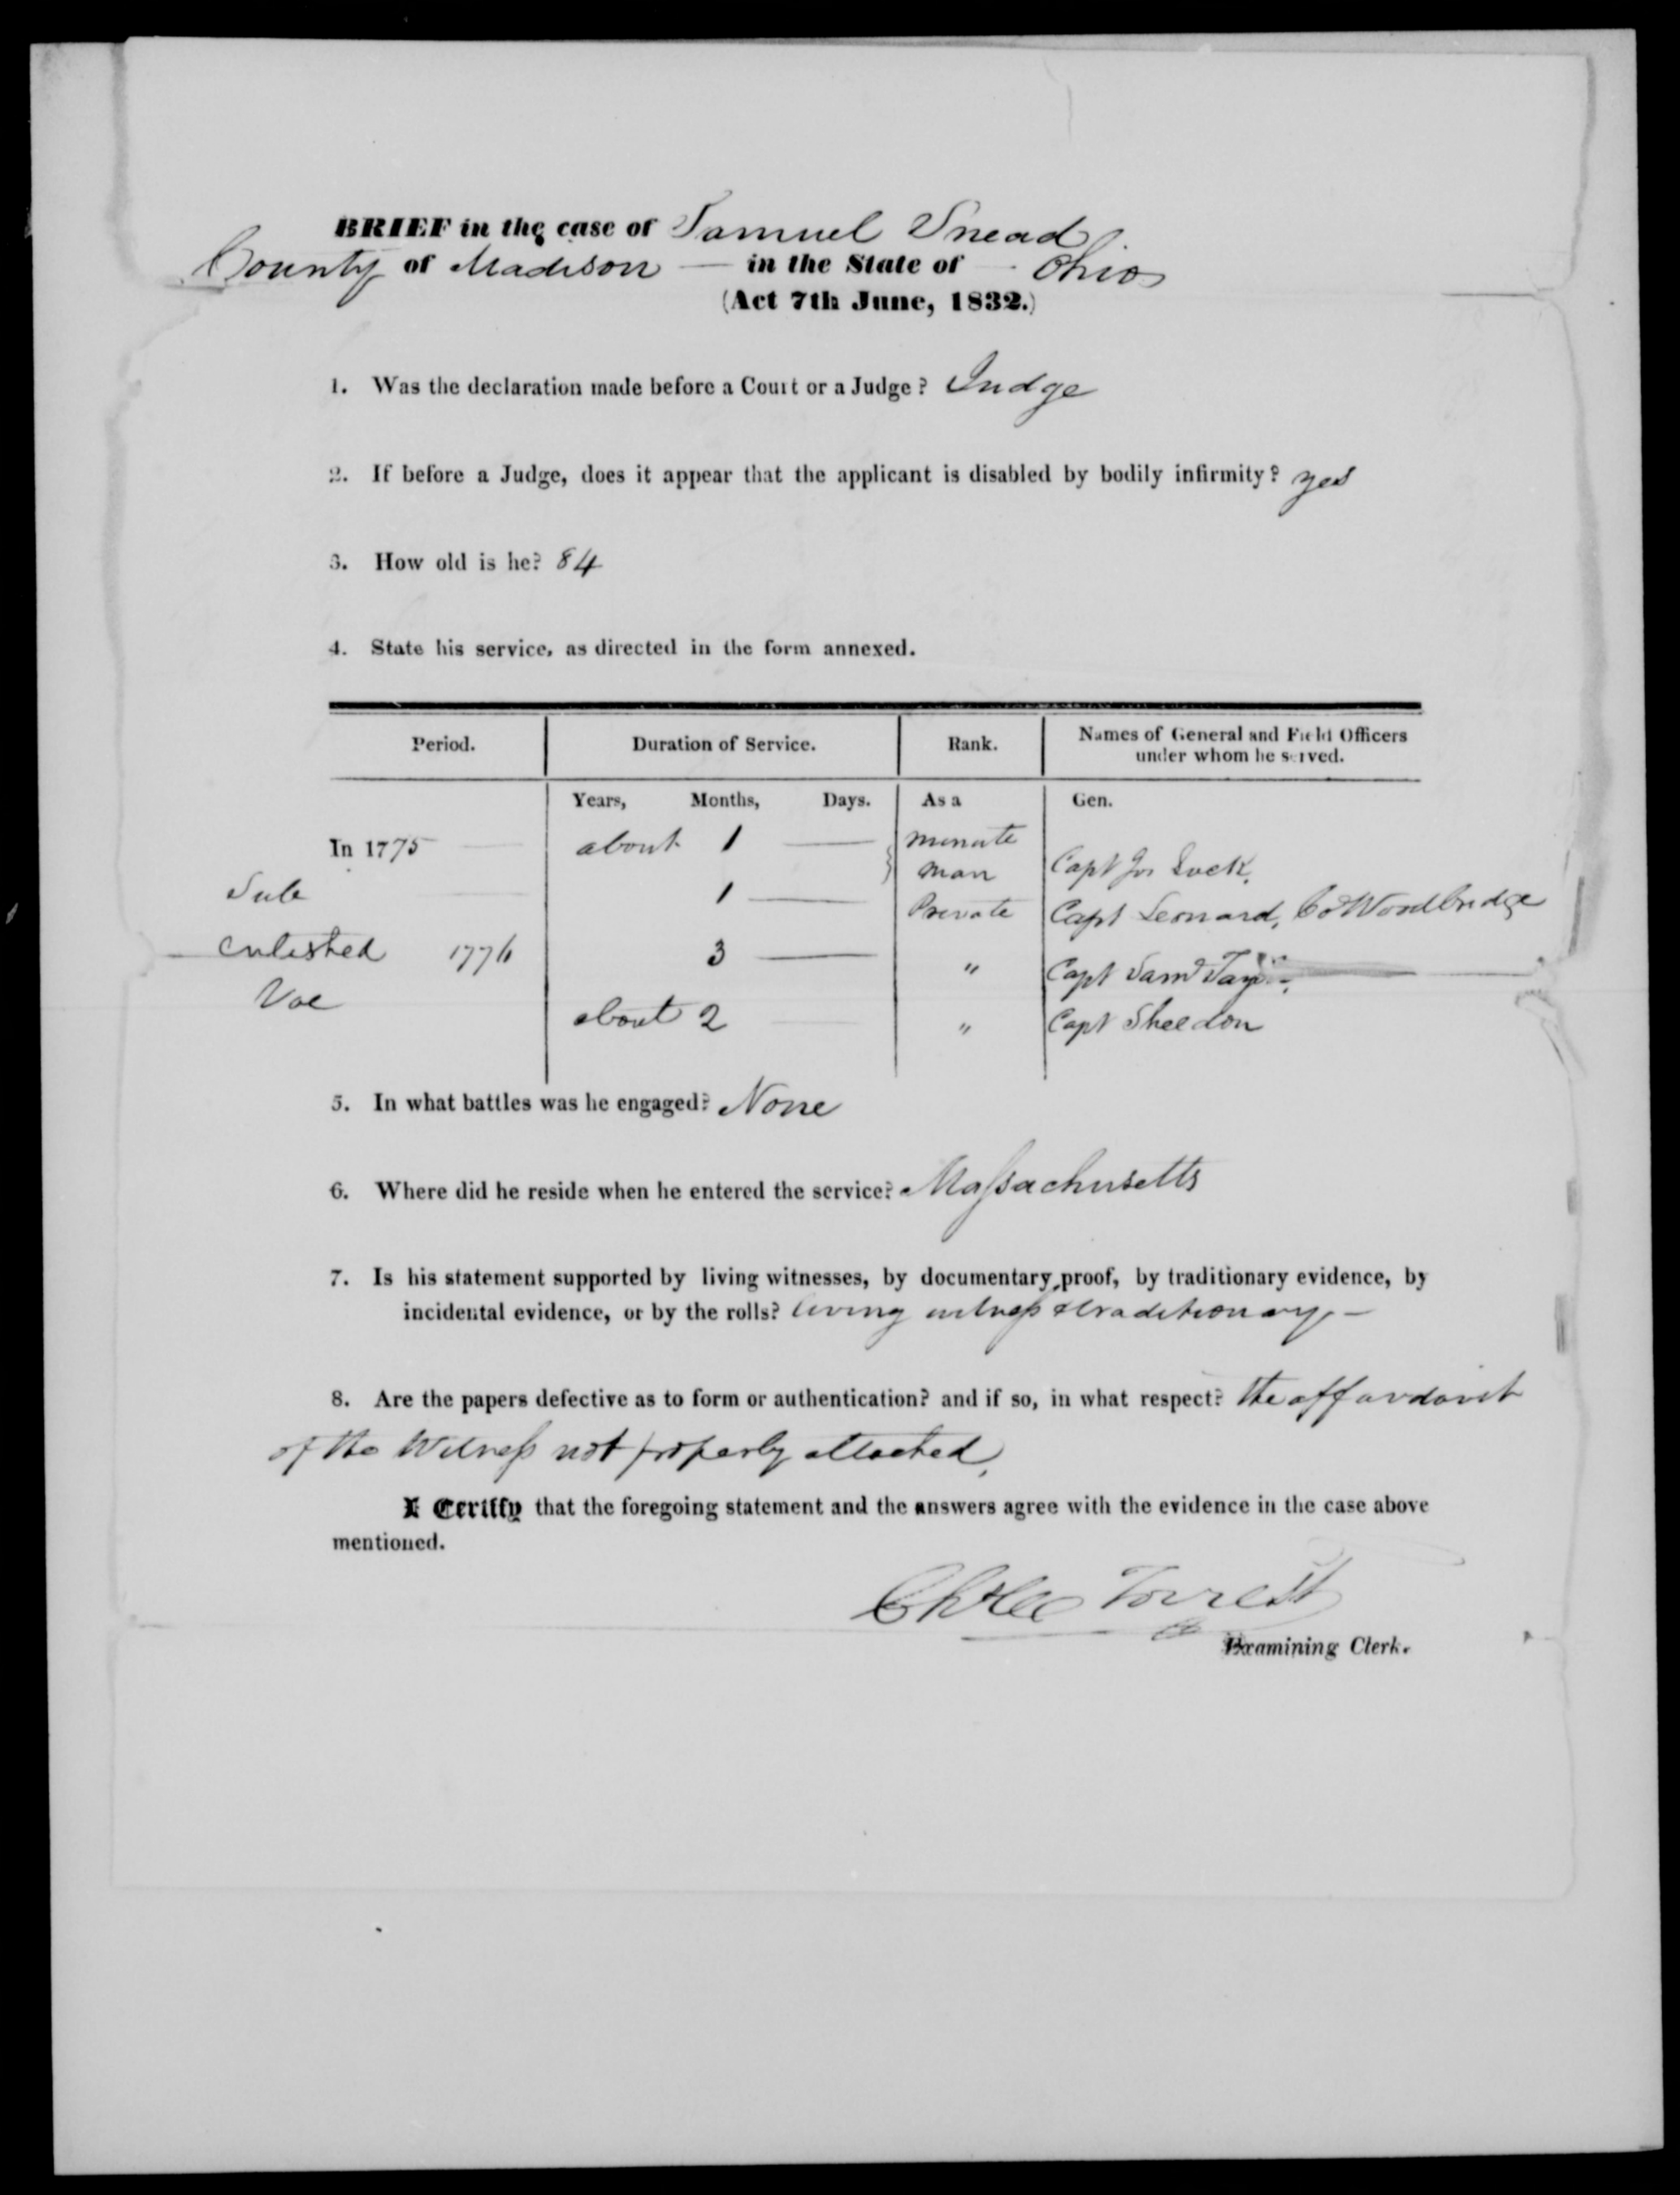BRIEF in the case of Samuel Snead
County of Madison in the State of Ohio
(Act 7th June, 1832.)

1. Was the declaration made before a Court or a Judge?   Judge

2. If before a Judge, does it appear that the applicant is disabled by bodily infirmity?  Yes

3. How old is he?  84

4. State his service, as directed in the form annexed.

Period.
Duration of Service.
Years, Months, Days.
Rank
As a
Names of General and Field Officers
under whom he served.
Gen.

In 1775, about 1 [month] as a minute man, Capt. Jos [Suek]

Sub  1 month as a private Capt Leonard, Col Woodbridge

enlisted 1776  3 months as a private Capt Sam Taylor

Vol    about 2 months as a private Capt Sheldon

5. In what battles was he engaged?  None

6. Where did he reside when he entered the service?  Massachusetts

7. Is his statement supported by living witnesses, by documentary proof, by traditionary evidence, by incidental evidence, or by the rolls?  living witness and traditionary.

8. Are the papers defective as to form or authentication?  and if so, in what respect?  the affidavit of the witness not properly attached.

I Certify that the foregoing statement and the answers agree with the evidence in the case above mentioned.

Charles Torress
Examining Clerk.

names: Chs W Torress; Samuel Snead; [BLANK] Sheldon; Jos Lock; [BLANK] Leonard; Saml Taylor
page: 4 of 18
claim: survivor's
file: S. 18,605, for Samuel Smead, Massachusetts